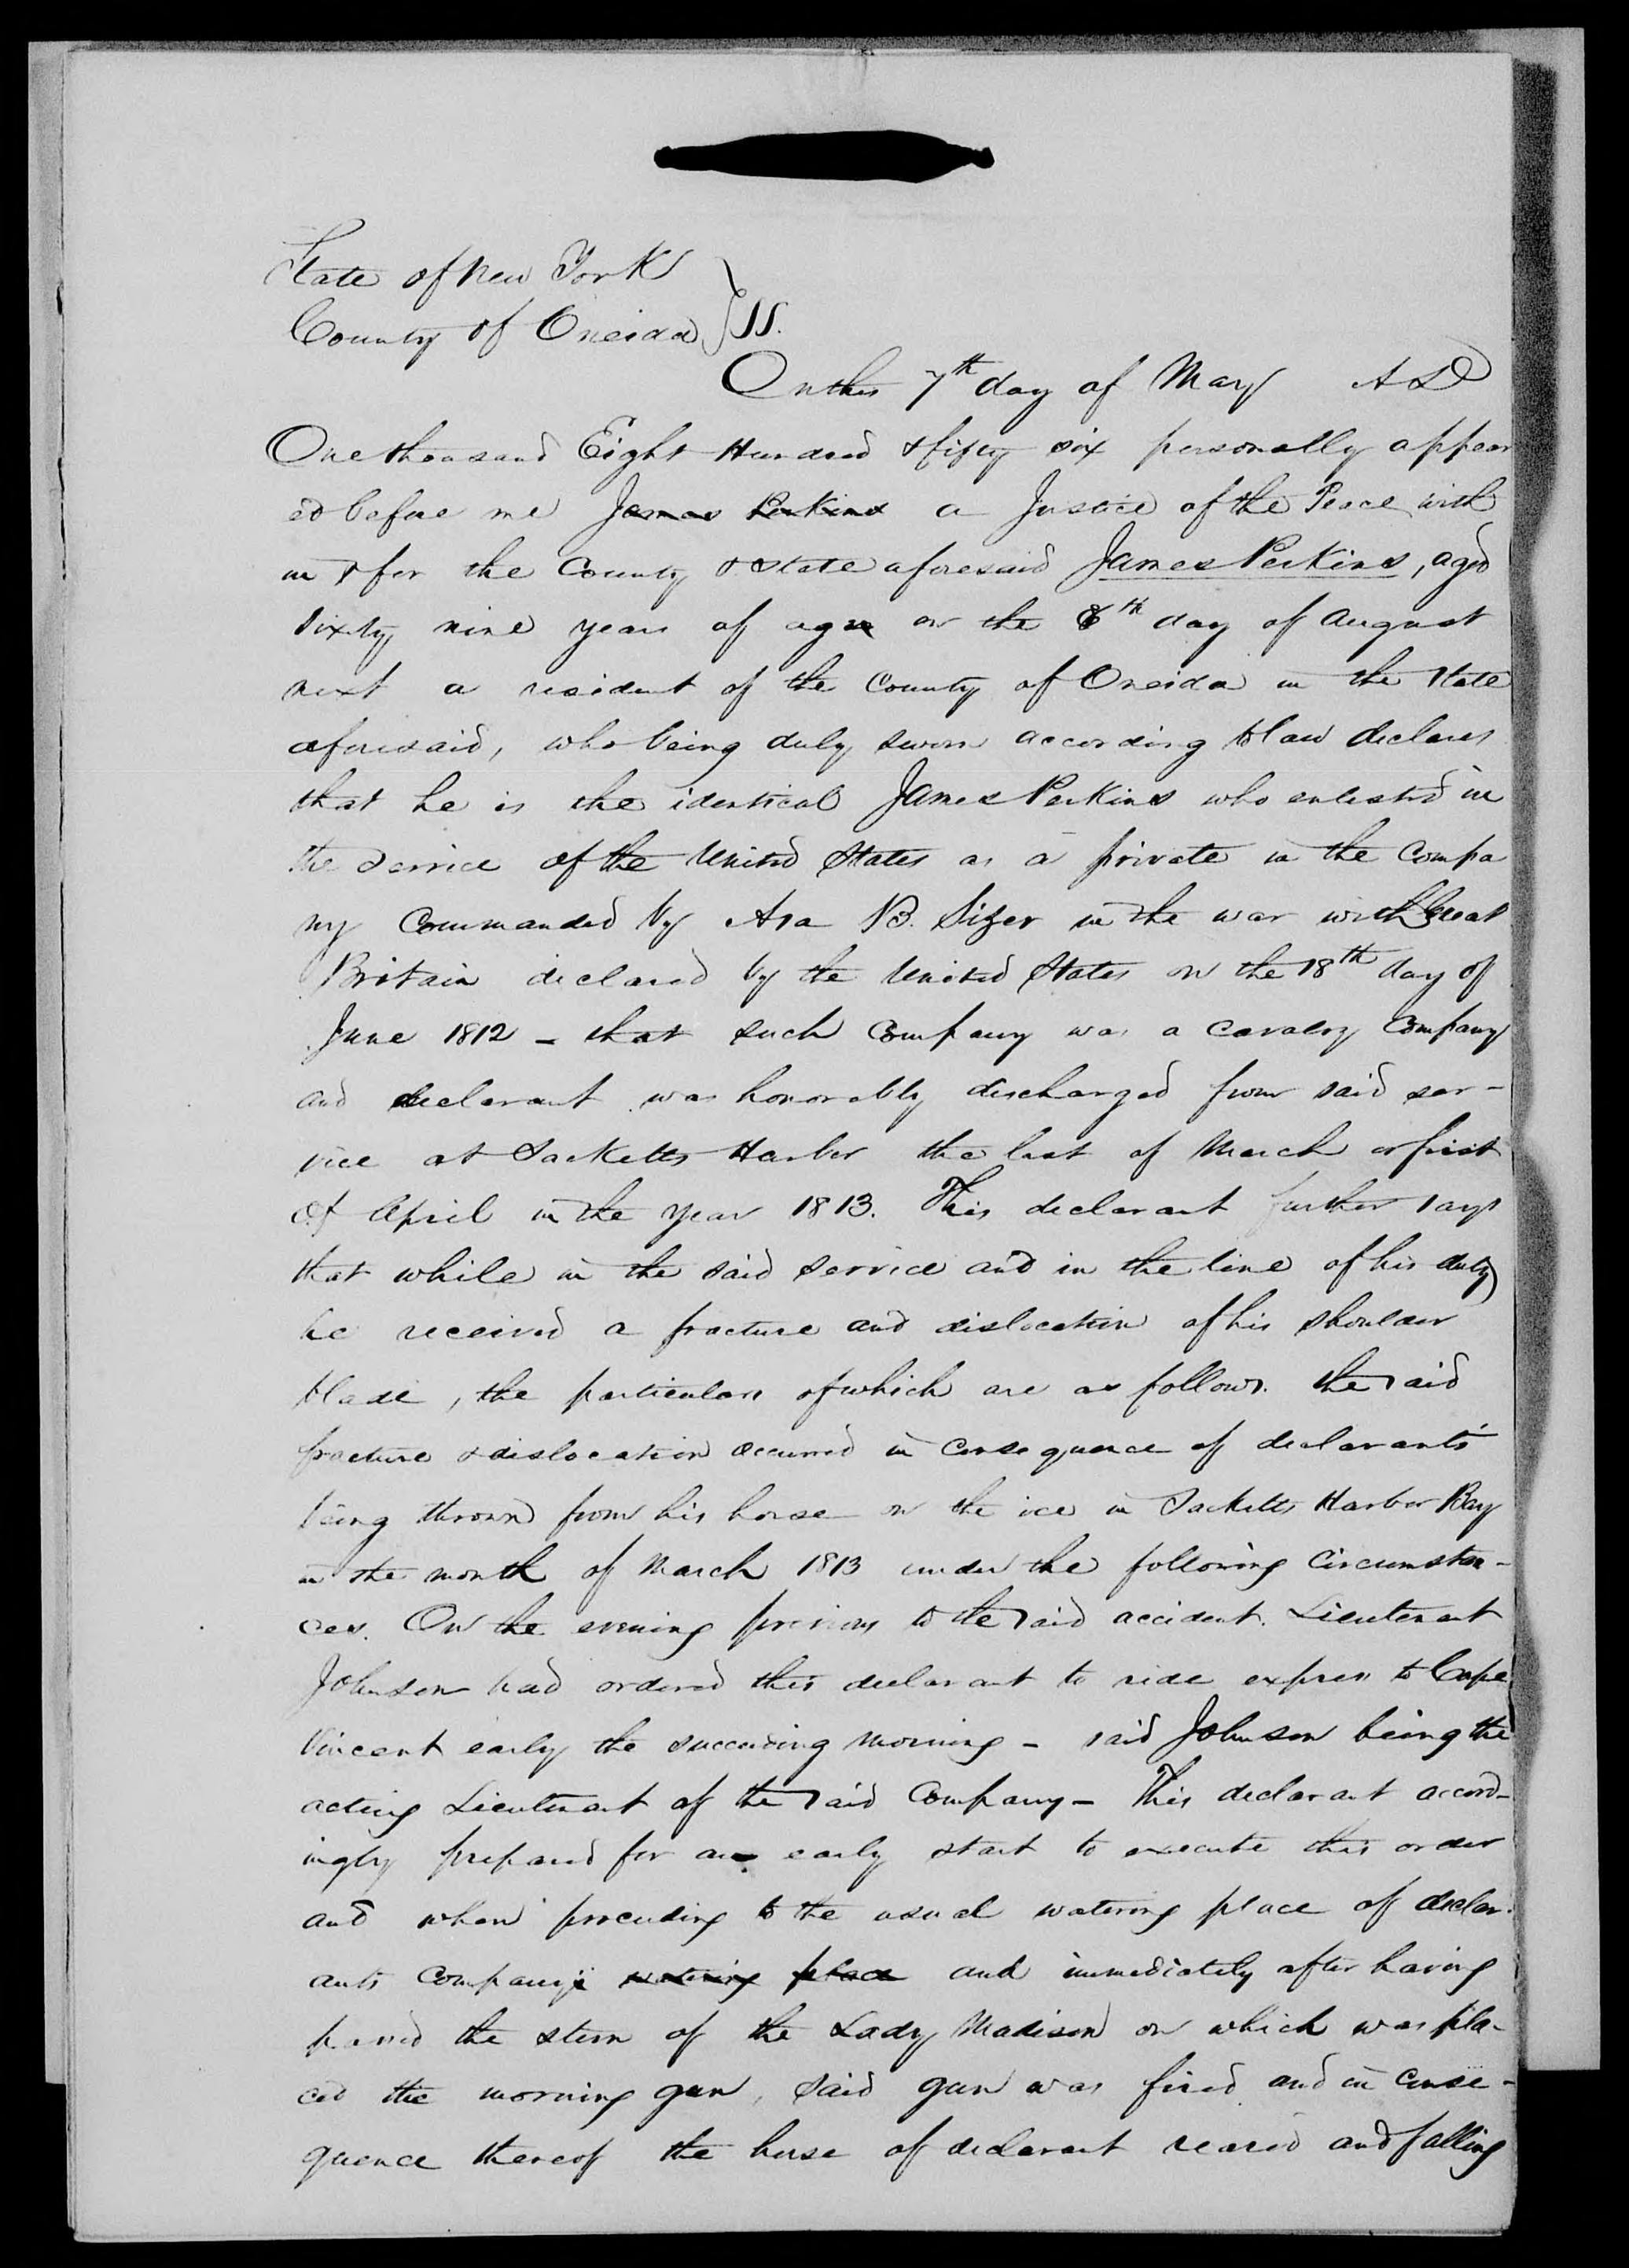State of New York 
County of Oneida } SS. 
On the 7th day of May AD One thousand Eight Hundred & fifty six personally appeared before me [crossed out: James Perkins] a Justice of the Peace with and for the County & State aforesaid James Perkins, aged sixty nine years of age on the 6th day of August next a resident of the County of Oneida in the State aforesaid, who being duly sworn according to law declares that he is the identical James Perkins who enlisted in the service of the United States as a private in the company commanded by Asa B. Sizer in the war with Great Britain declared by the United States on the 18th day of June 1812 - that such company was a cavalry Company and declarant was honorably discharged from said service at Sacketts Harber the last of March or first of April in the year 1813. This declarant further says that while in the said service and in the line of his duty he received a fracture and dislocation of his shoulder blade, the particulars of which are as follows. the said fracture & dislocation occurred in consequence of declarant’s being thrown from his horse on the ice in Sacketts Harber Bay in the month of March 1813 under the following circumstances. On the evening previous to the said accident. Lieutenant Johnson had ordered this declarant to ride express to Cape Vincent early the succeeding morning - said Johnson being the acting Lieutenant of the said Company - This declarant accordingly prepared for an early start to execute this order and when proceeding to the usual watering place of declarants Company and immediately after having passed the stern of the Lady Madison on which was placed the morning gun, said gun was fired and in consequence thereof the horse of declarant reared and falling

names: Asa B Sizer; [BLANK] Johnson; James Perkins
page: 3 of 44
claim: rejected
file: R. 17,033, for Joseph Perkins, New York